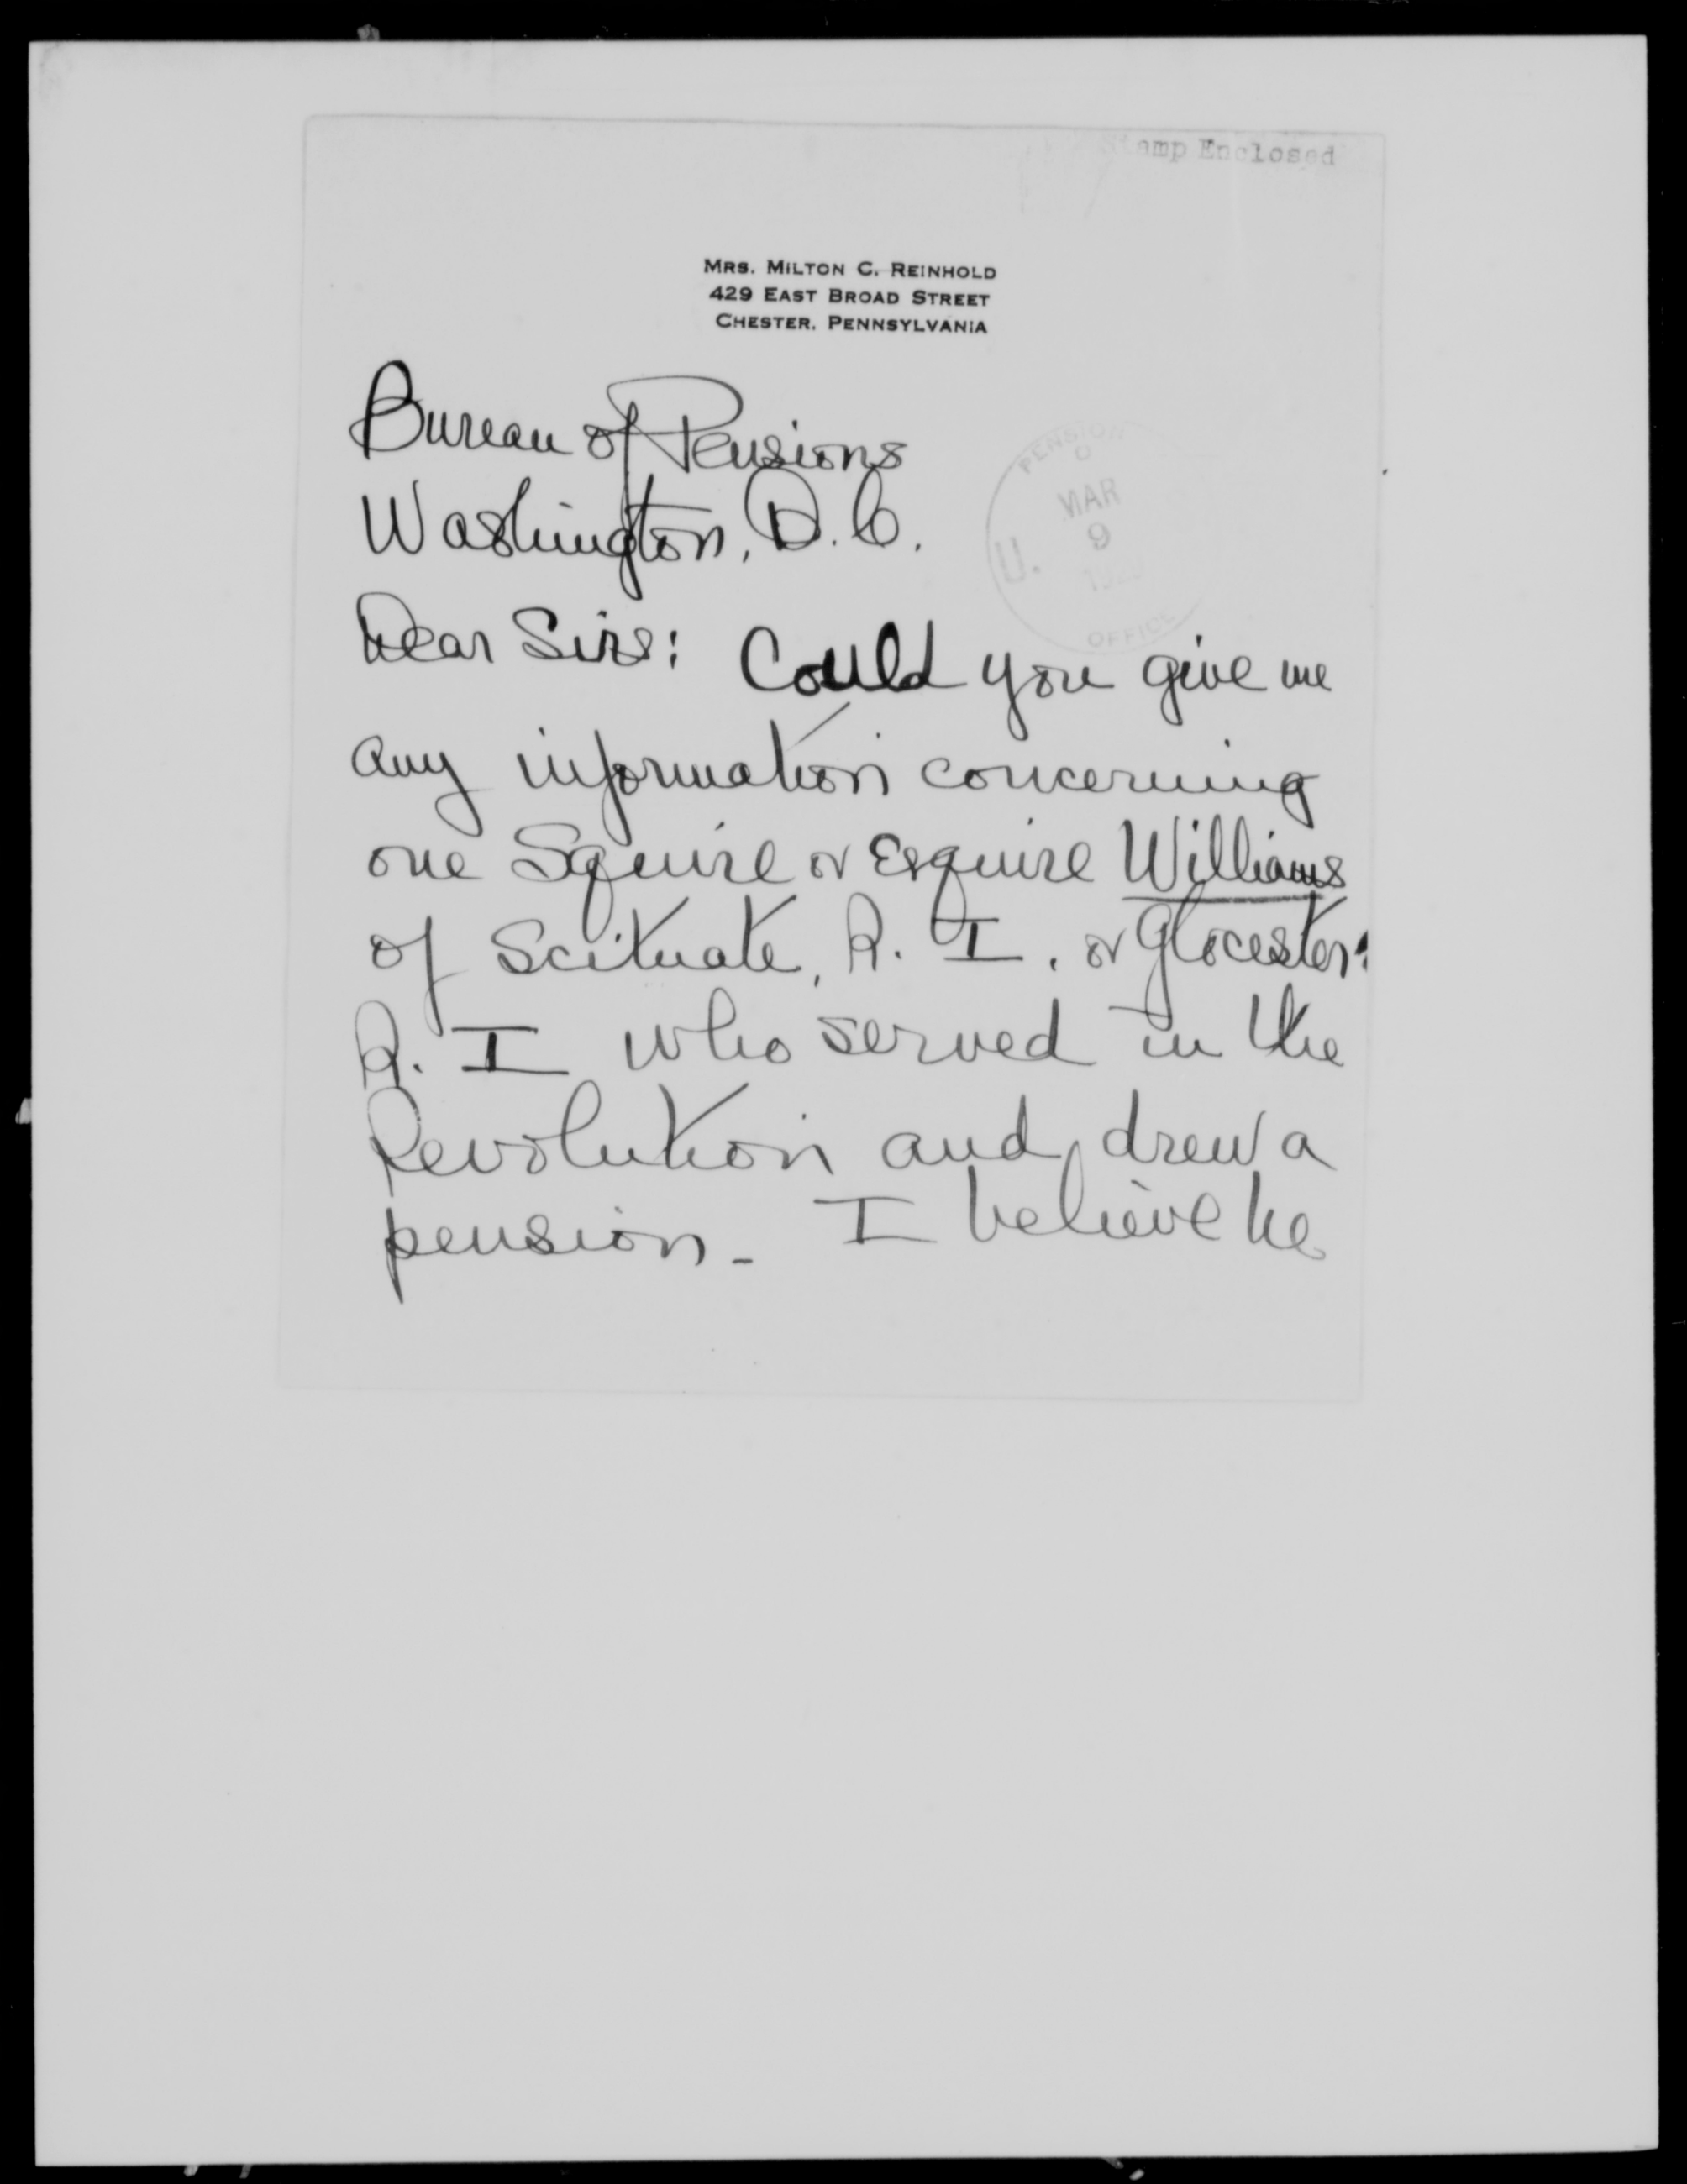Stamp Enclosed

MRS. MILTON C. REINHOLD
429 EAST BROAD STREET
CHESTER, PENNSYLVANIA

Bureau of Pensions
Washington, D.D.

Dear Sirs: Could you give me
any information concerning
one Squire or Esquire Williams
of Scituate, R. I. or Glocester, R.I. who
served in the Revolution and drew a
pension.  I believe he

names: Milton C Reinhold, Squire Williams, Esquire Williams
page: 15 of 23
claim: survivor's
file: S. 21576, Squire Williams, R. I.